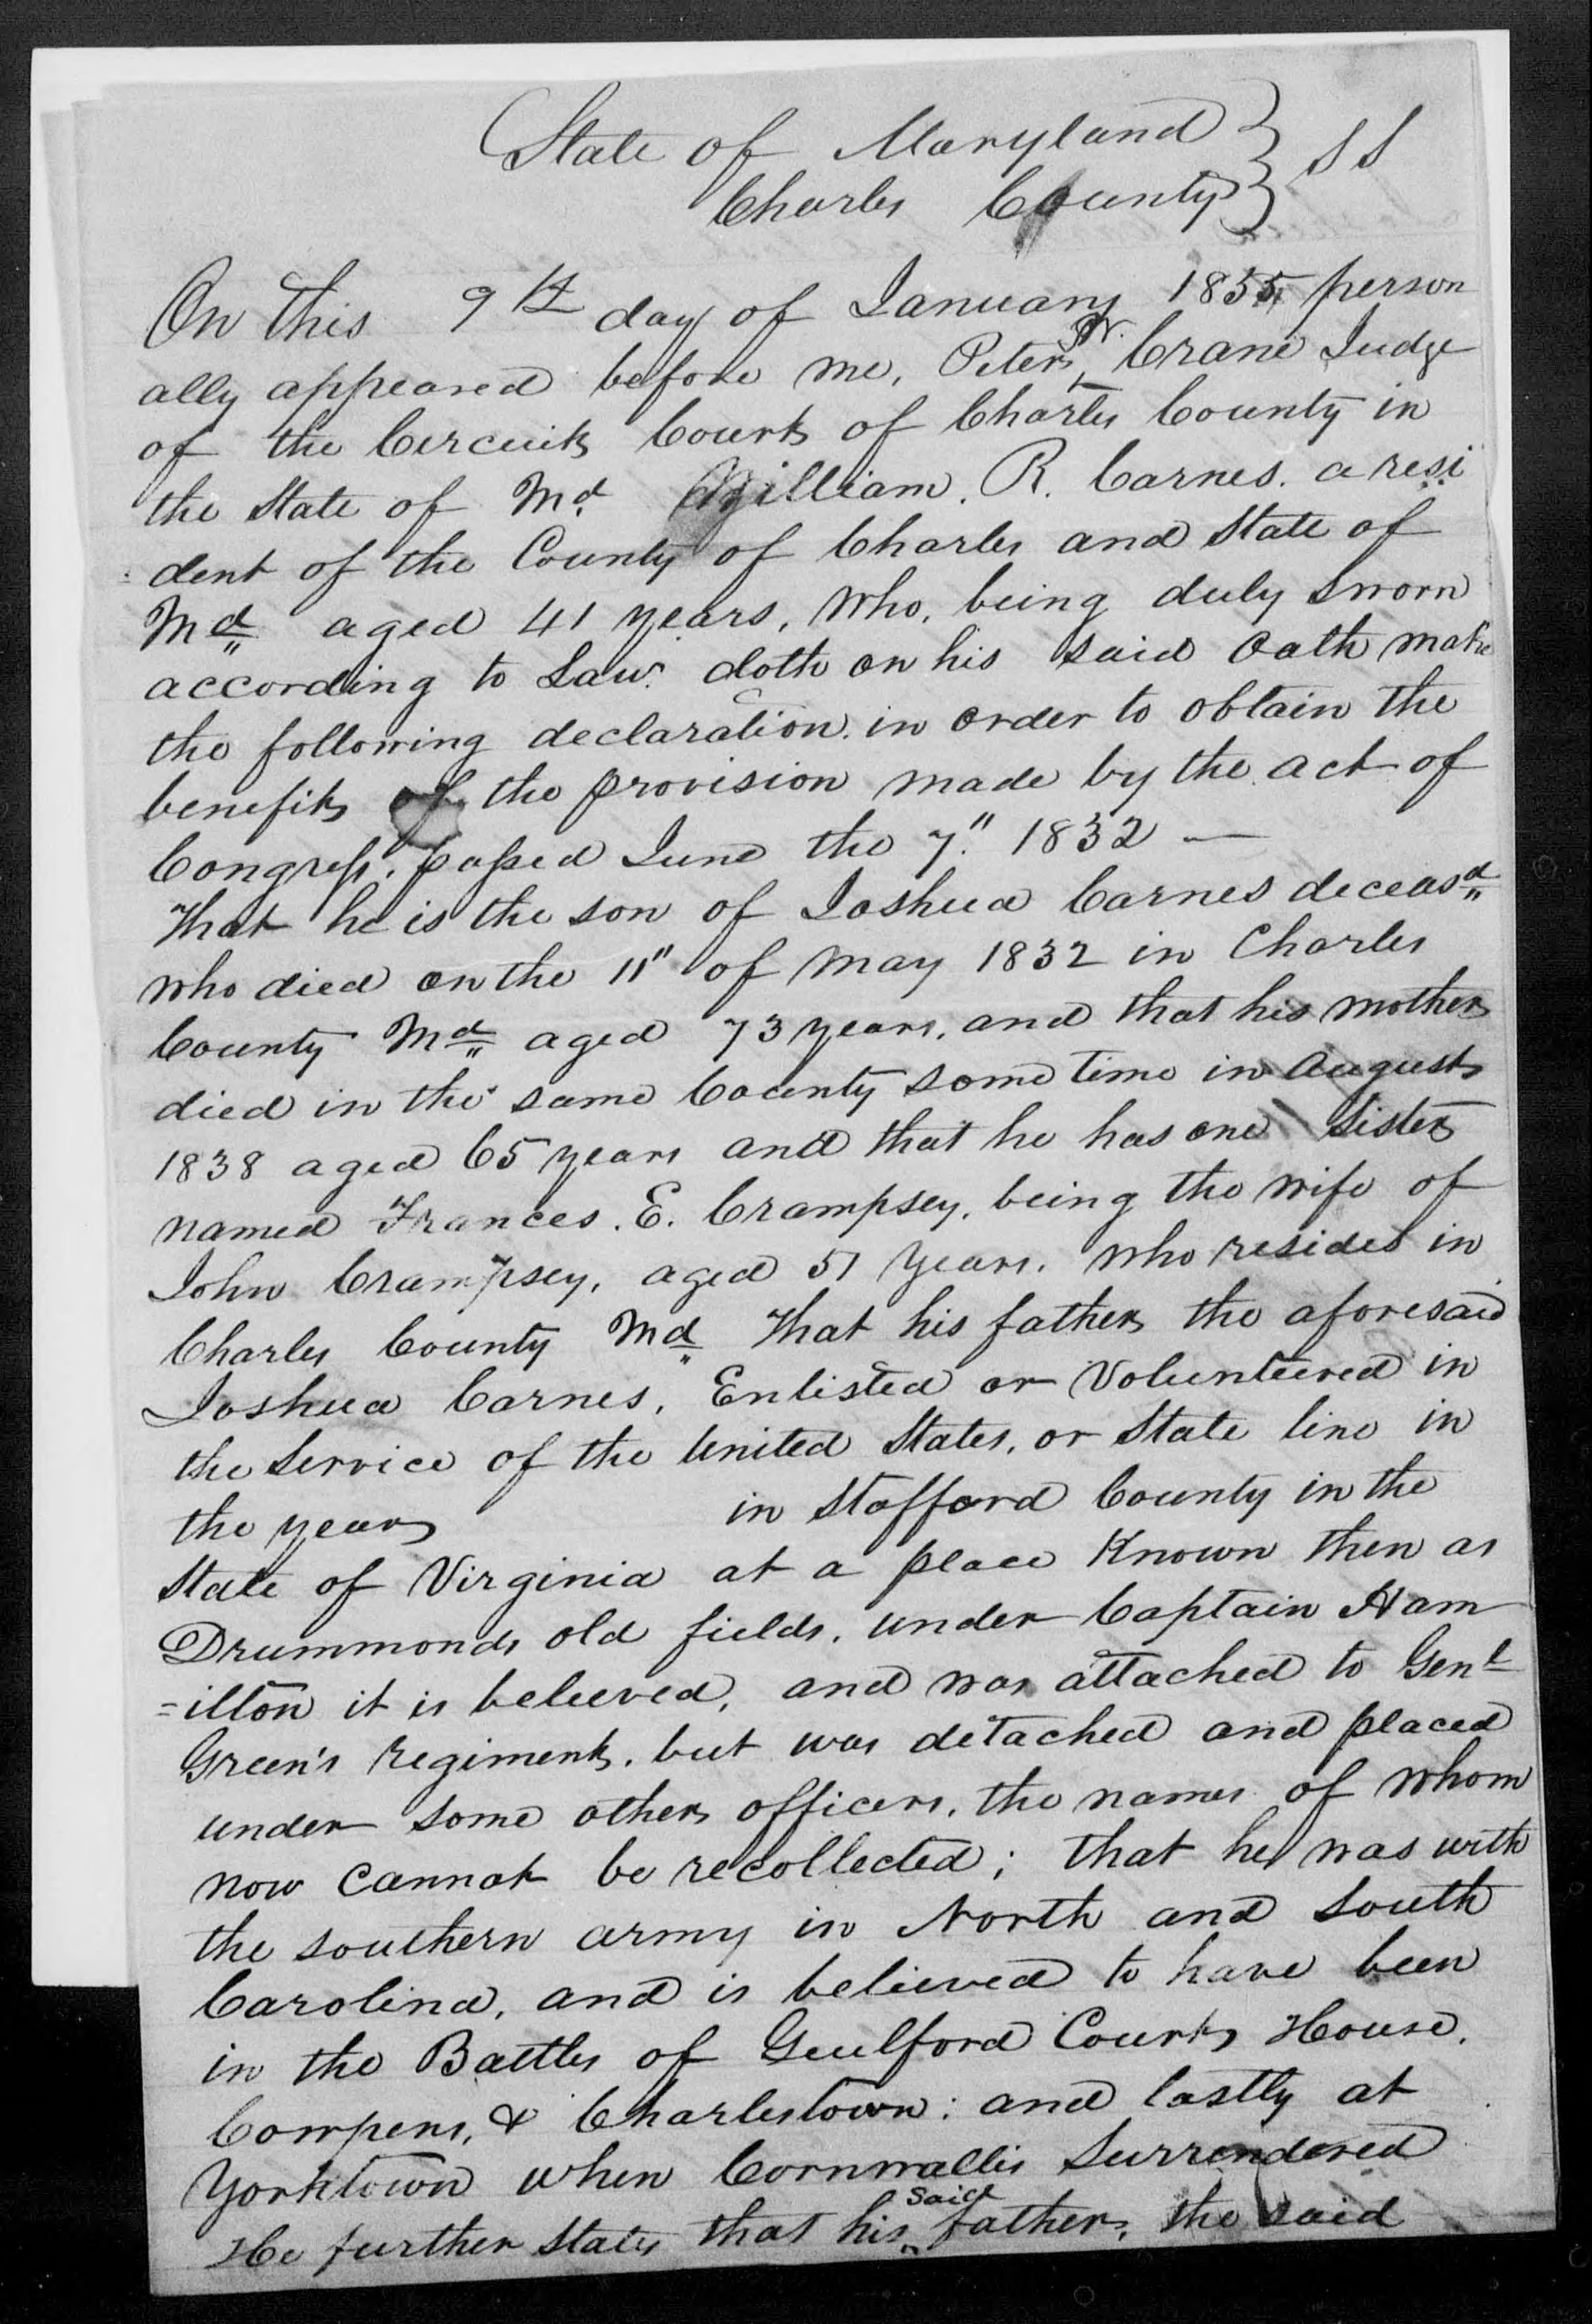State of Maryland
Charles County
On this 9th day of January 1855 personally appeared before me, Peters Crane Judge of the Circuits Courts of Charles County in the State of Md. William R Carnes a resident of the County of Charles and State of Md aged 41 years. Who, being duly sworn according to Law doth on his said oath make the following declaration in order to obtain the benefits of the provision made by the act of Congress passed June the 7” 1832.
That he is the son of Joshua Carnes deceased who died on the 11” of May 1832 in Charles County Maryland aged 73 years and that his mother died in the same County some time in August 1838 aged 65 years and that he has and sister named Frances E. Crampsey being the wife of John Crampsey aged 57 years who resides in Charles County Maryland. What his fathers the aforesaid Joshua Carnes, Enlisted or volunteered in the Service of the United States or State line in the years __________ in Stafford County in the State of Virginia at a place known then as Drummond old fields under Captain Hamilton it is believed and was attached to General Green’s regiments but was detached and place under some other officers the names of whom now cannot be recollected; that he was with the southern army in North and South Carolina, and is believed to have been in the Battle of Guilford County House, Cowpens, & Charleston; and lastly at Yorktown when Cornwallis surrendered the further States that his said father the said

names: Joshua Carnes, William R Carnes, Joshua Carnes, Peter W Carne, John Crampsey, Frances E Crampsey, Hamilton, Cornwallis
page: 3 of 22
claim: rejected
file: R 1709, Joshua Carnes, Va.